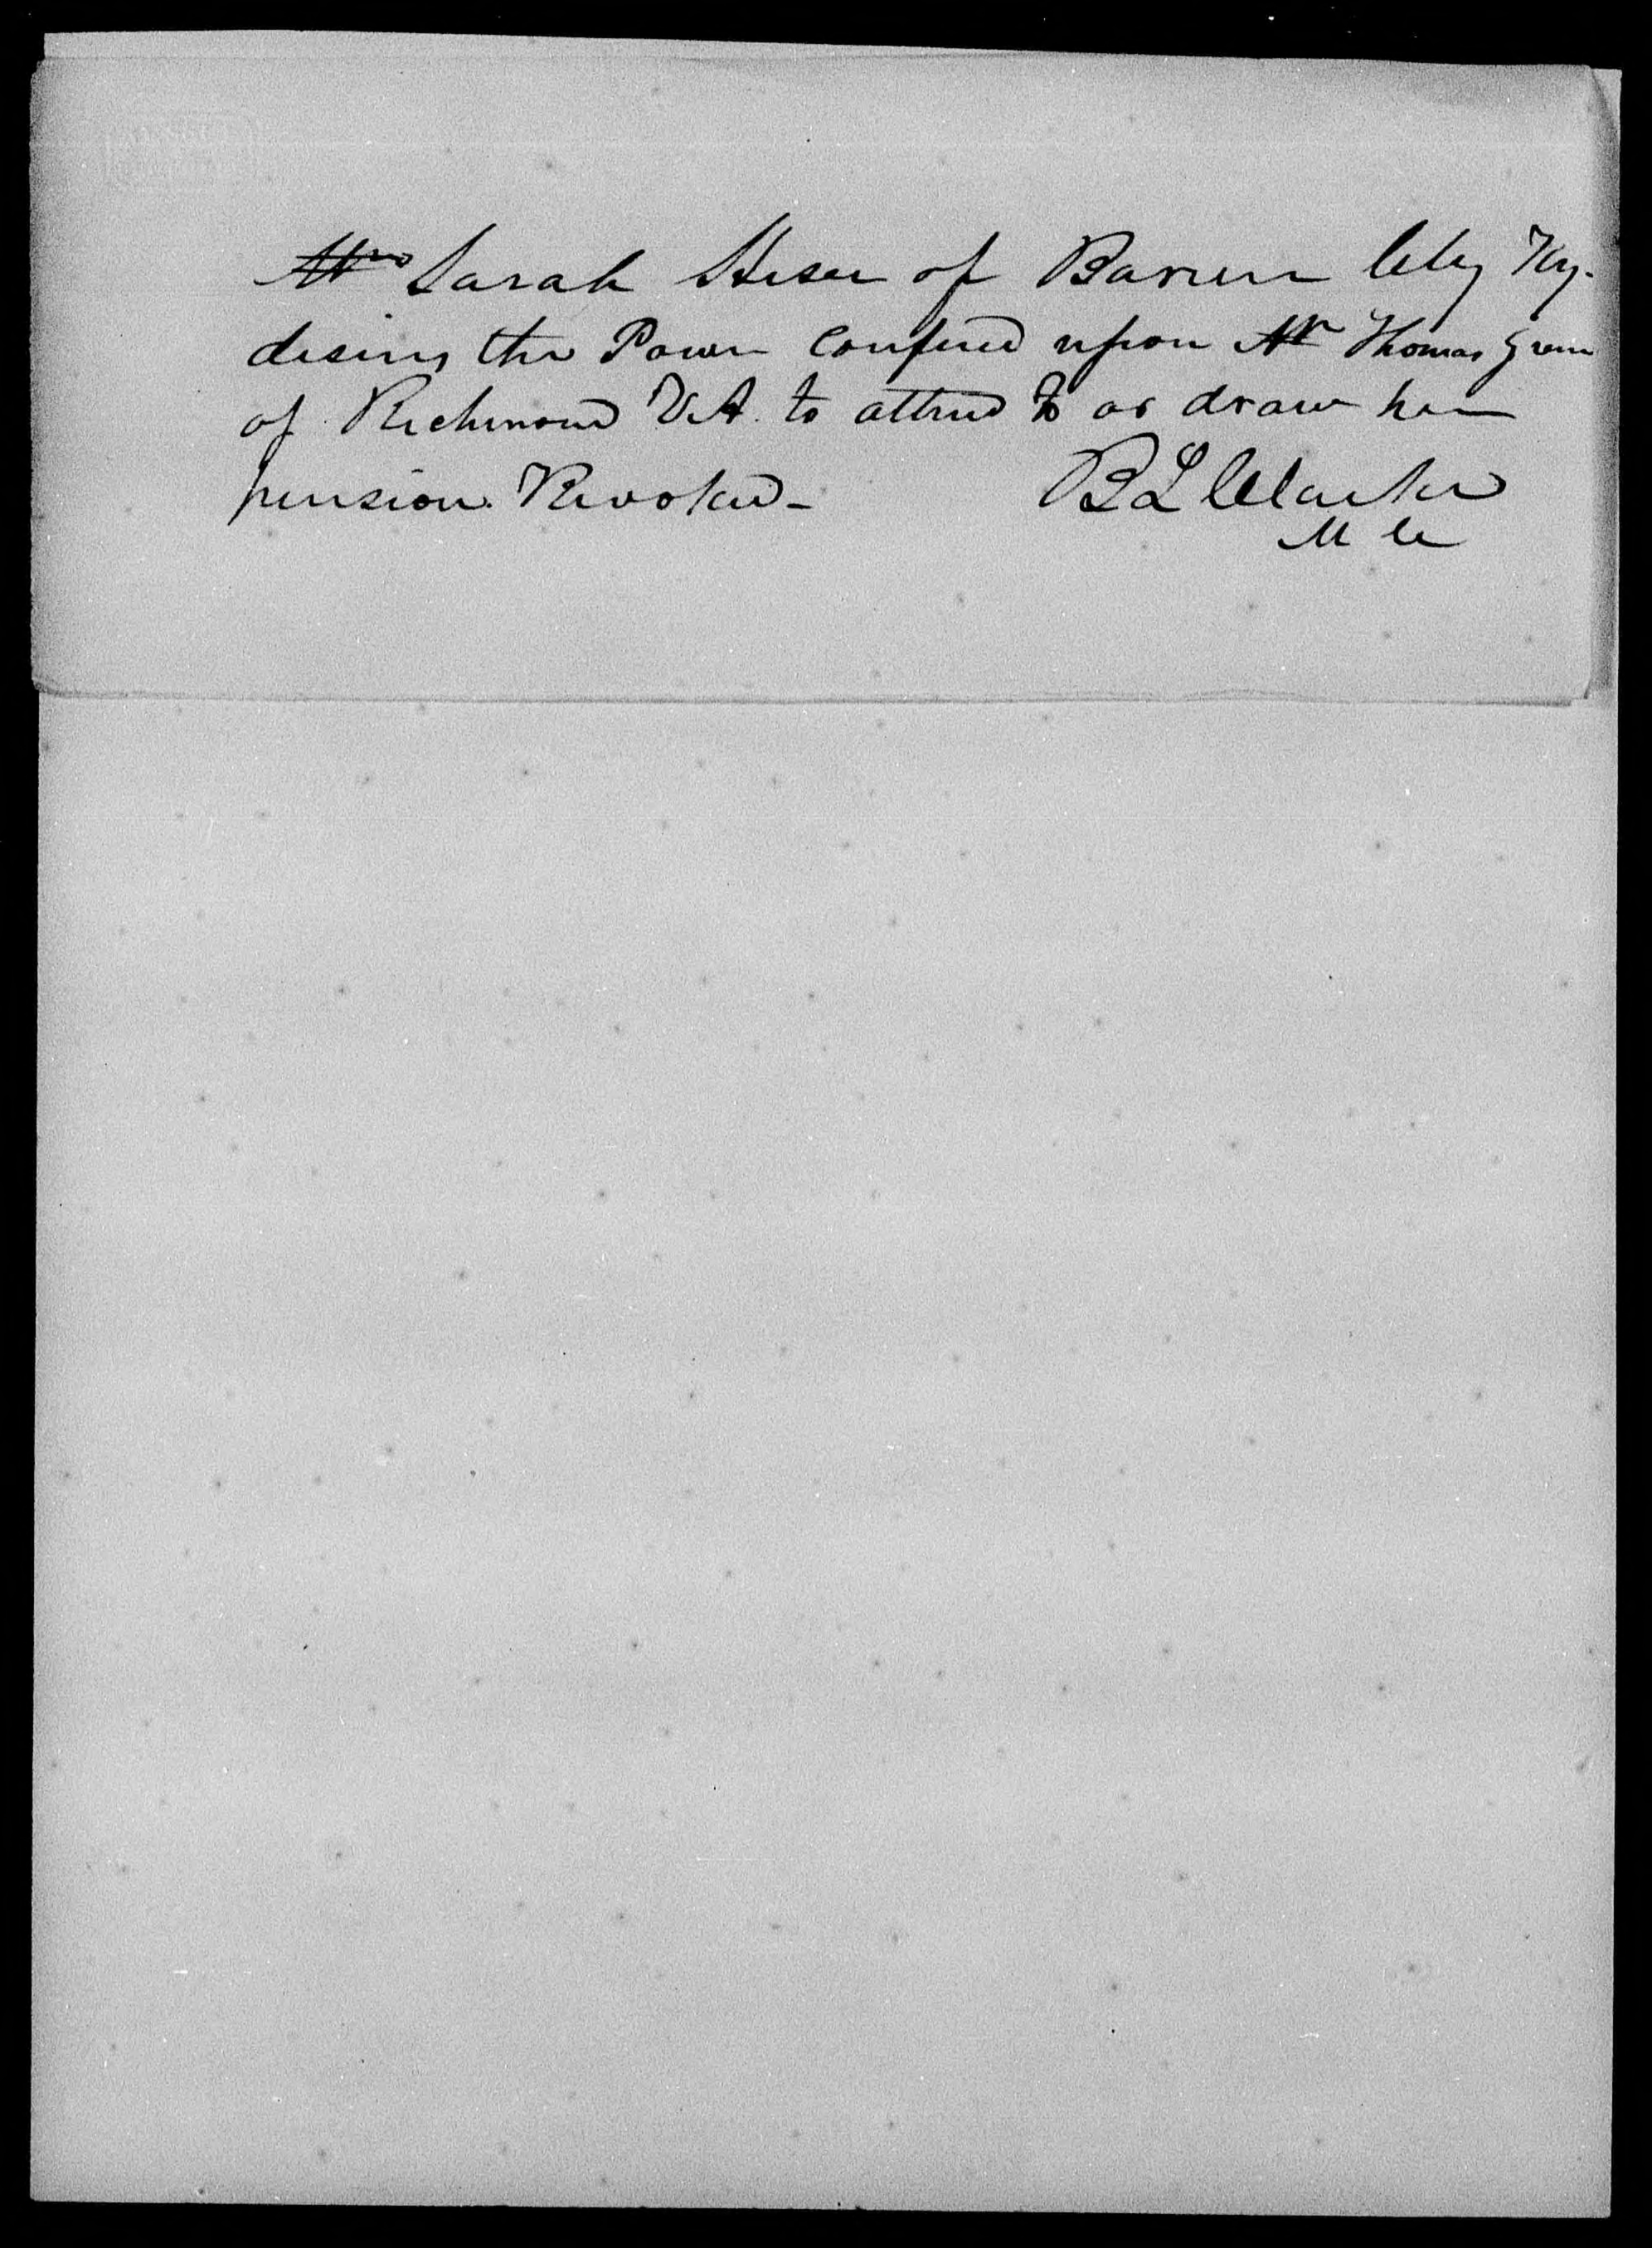Mrs Sarah Hiser of Barren Cty Ky.
desires the Power confered upon Mr Thomas Green
of Richmond Va. to attend to or draw her
pension Revoked
BL Clarke
MC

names: Thomas Green, Sarah Hiser, B L Clarke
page: 23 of 58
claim: widow's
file: W. 8932, John Hiser, Penn.